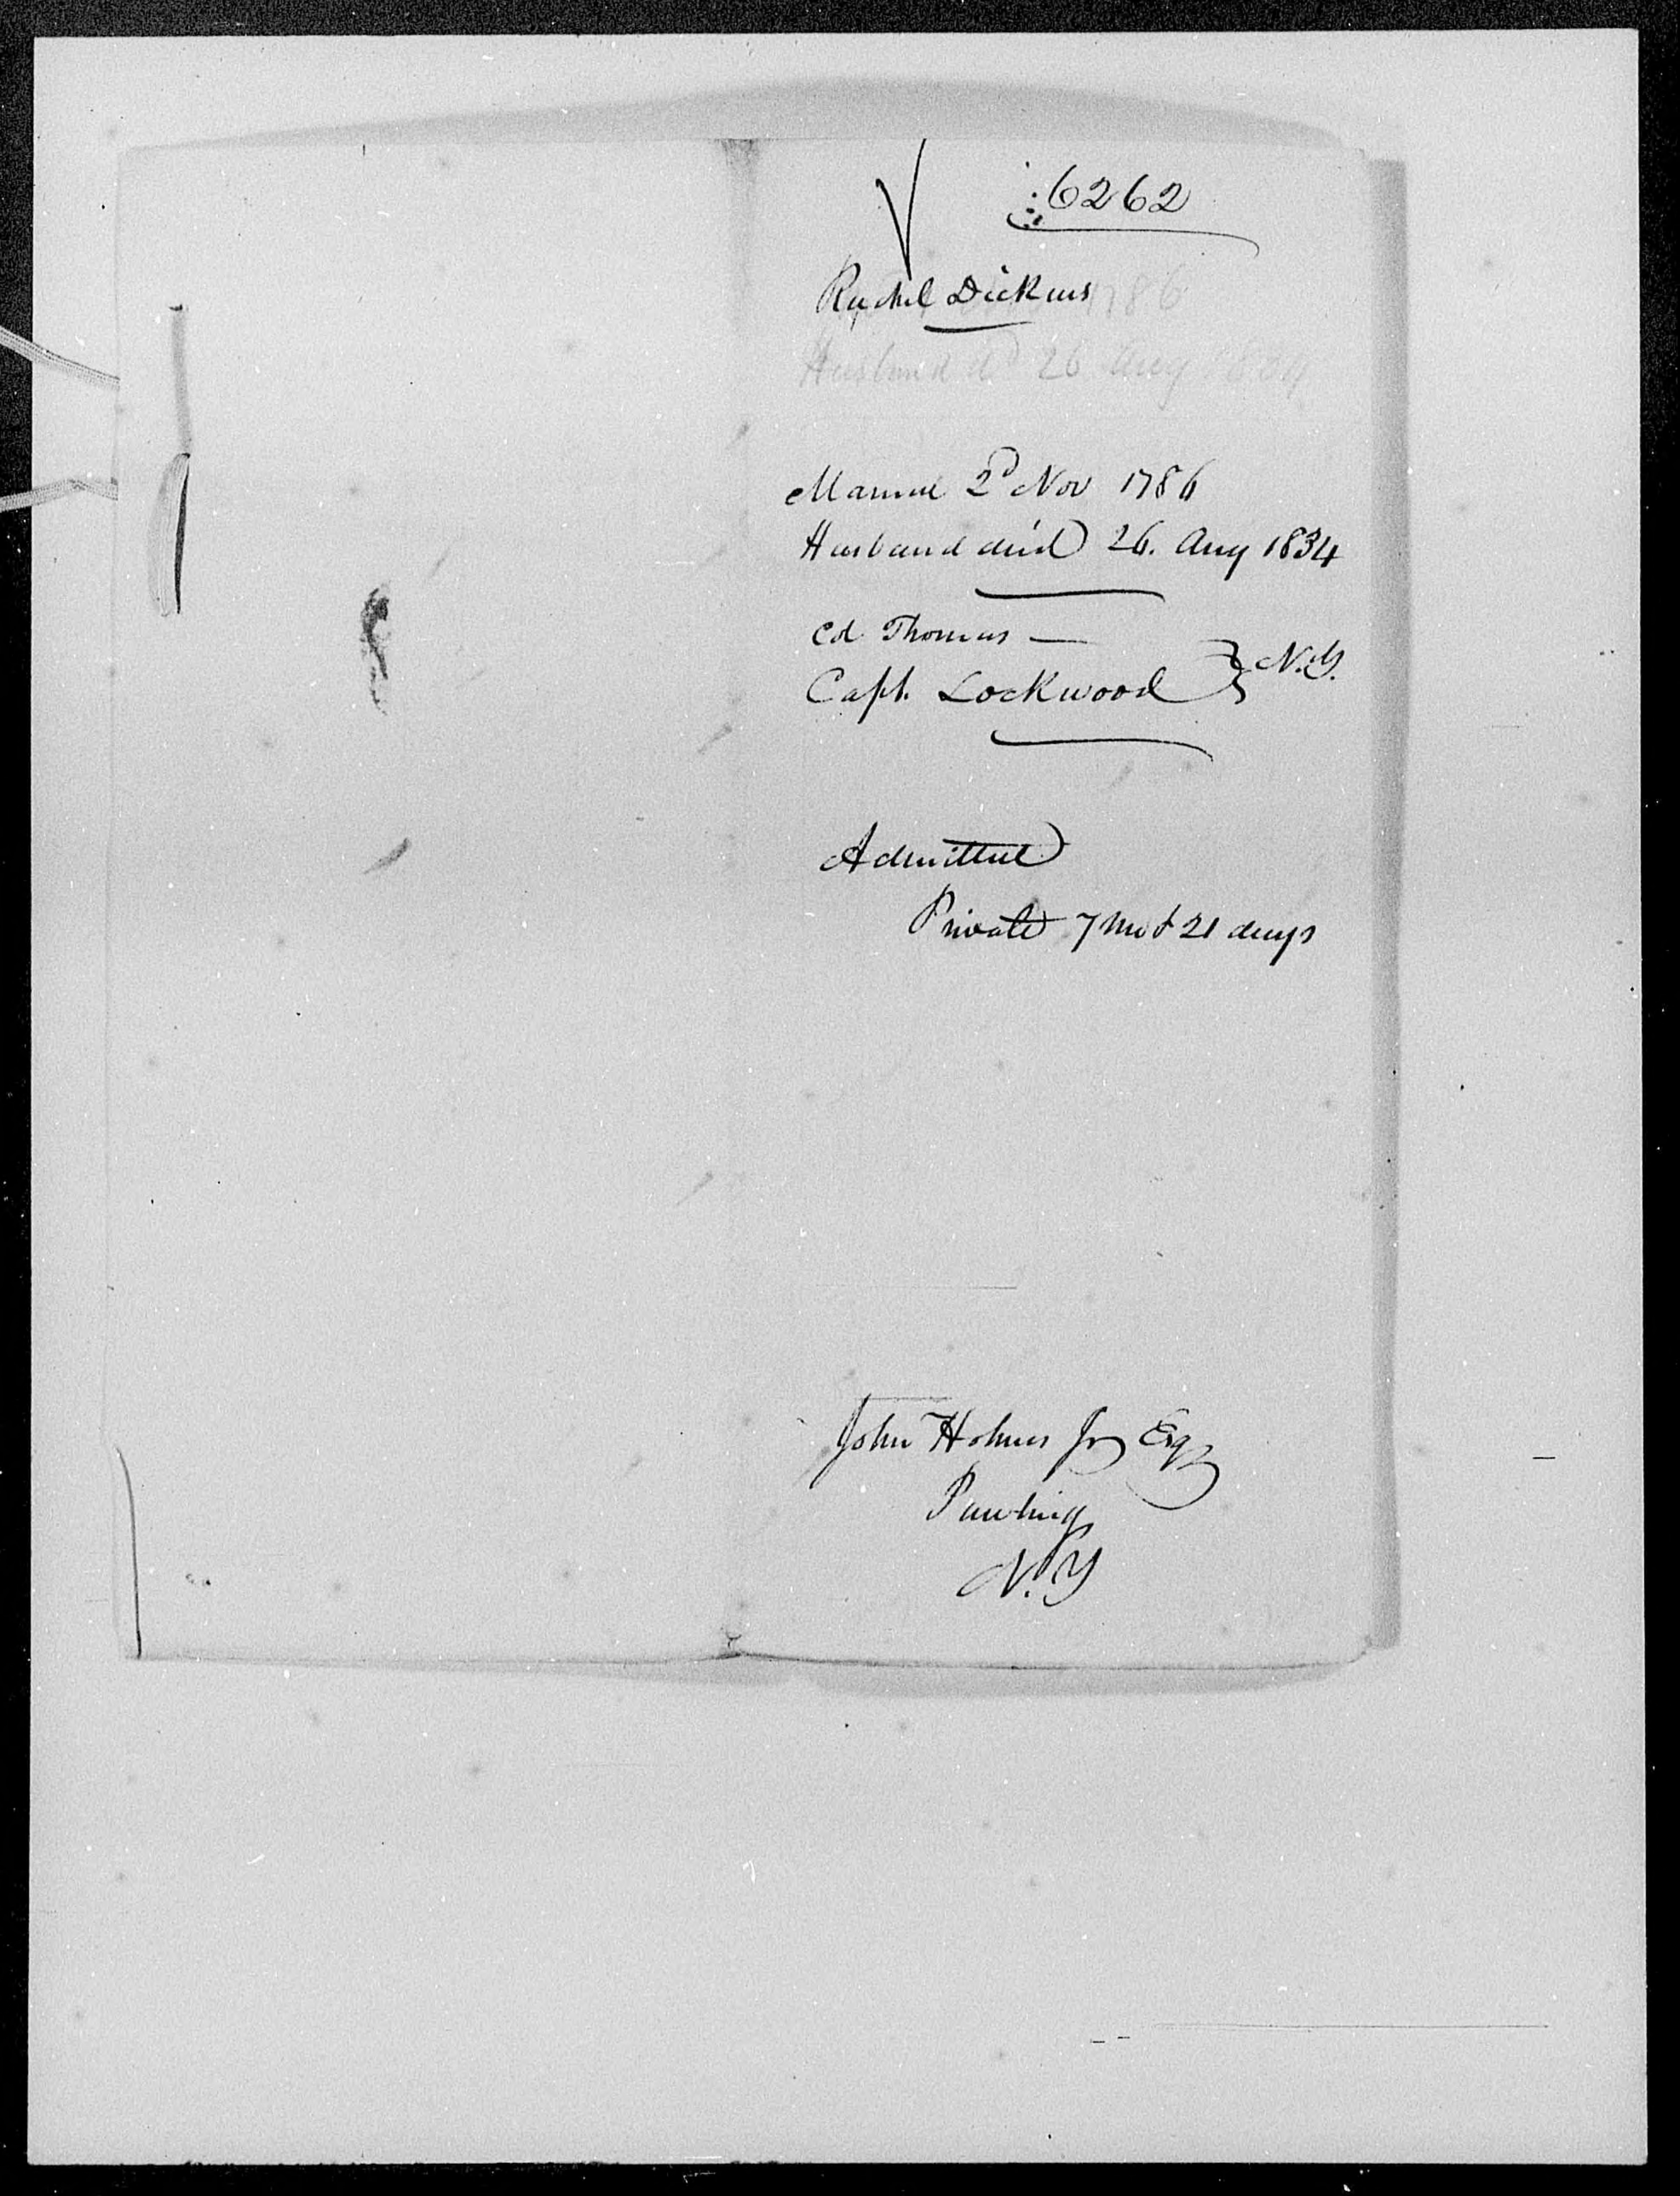6262
Rachel Dickens

Married 2d Nov 1786
Husband died 26 Aug 1834

Col. Thomas - }
Capt. Lockwood }  N.Y.

Admitted
Private 7 mo & 21 days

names: Thomas, John Holmes, Lockwood, Rachel Dickens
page: 19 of 29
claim: widow's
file: W. 17720, Arnold Dickens, New York